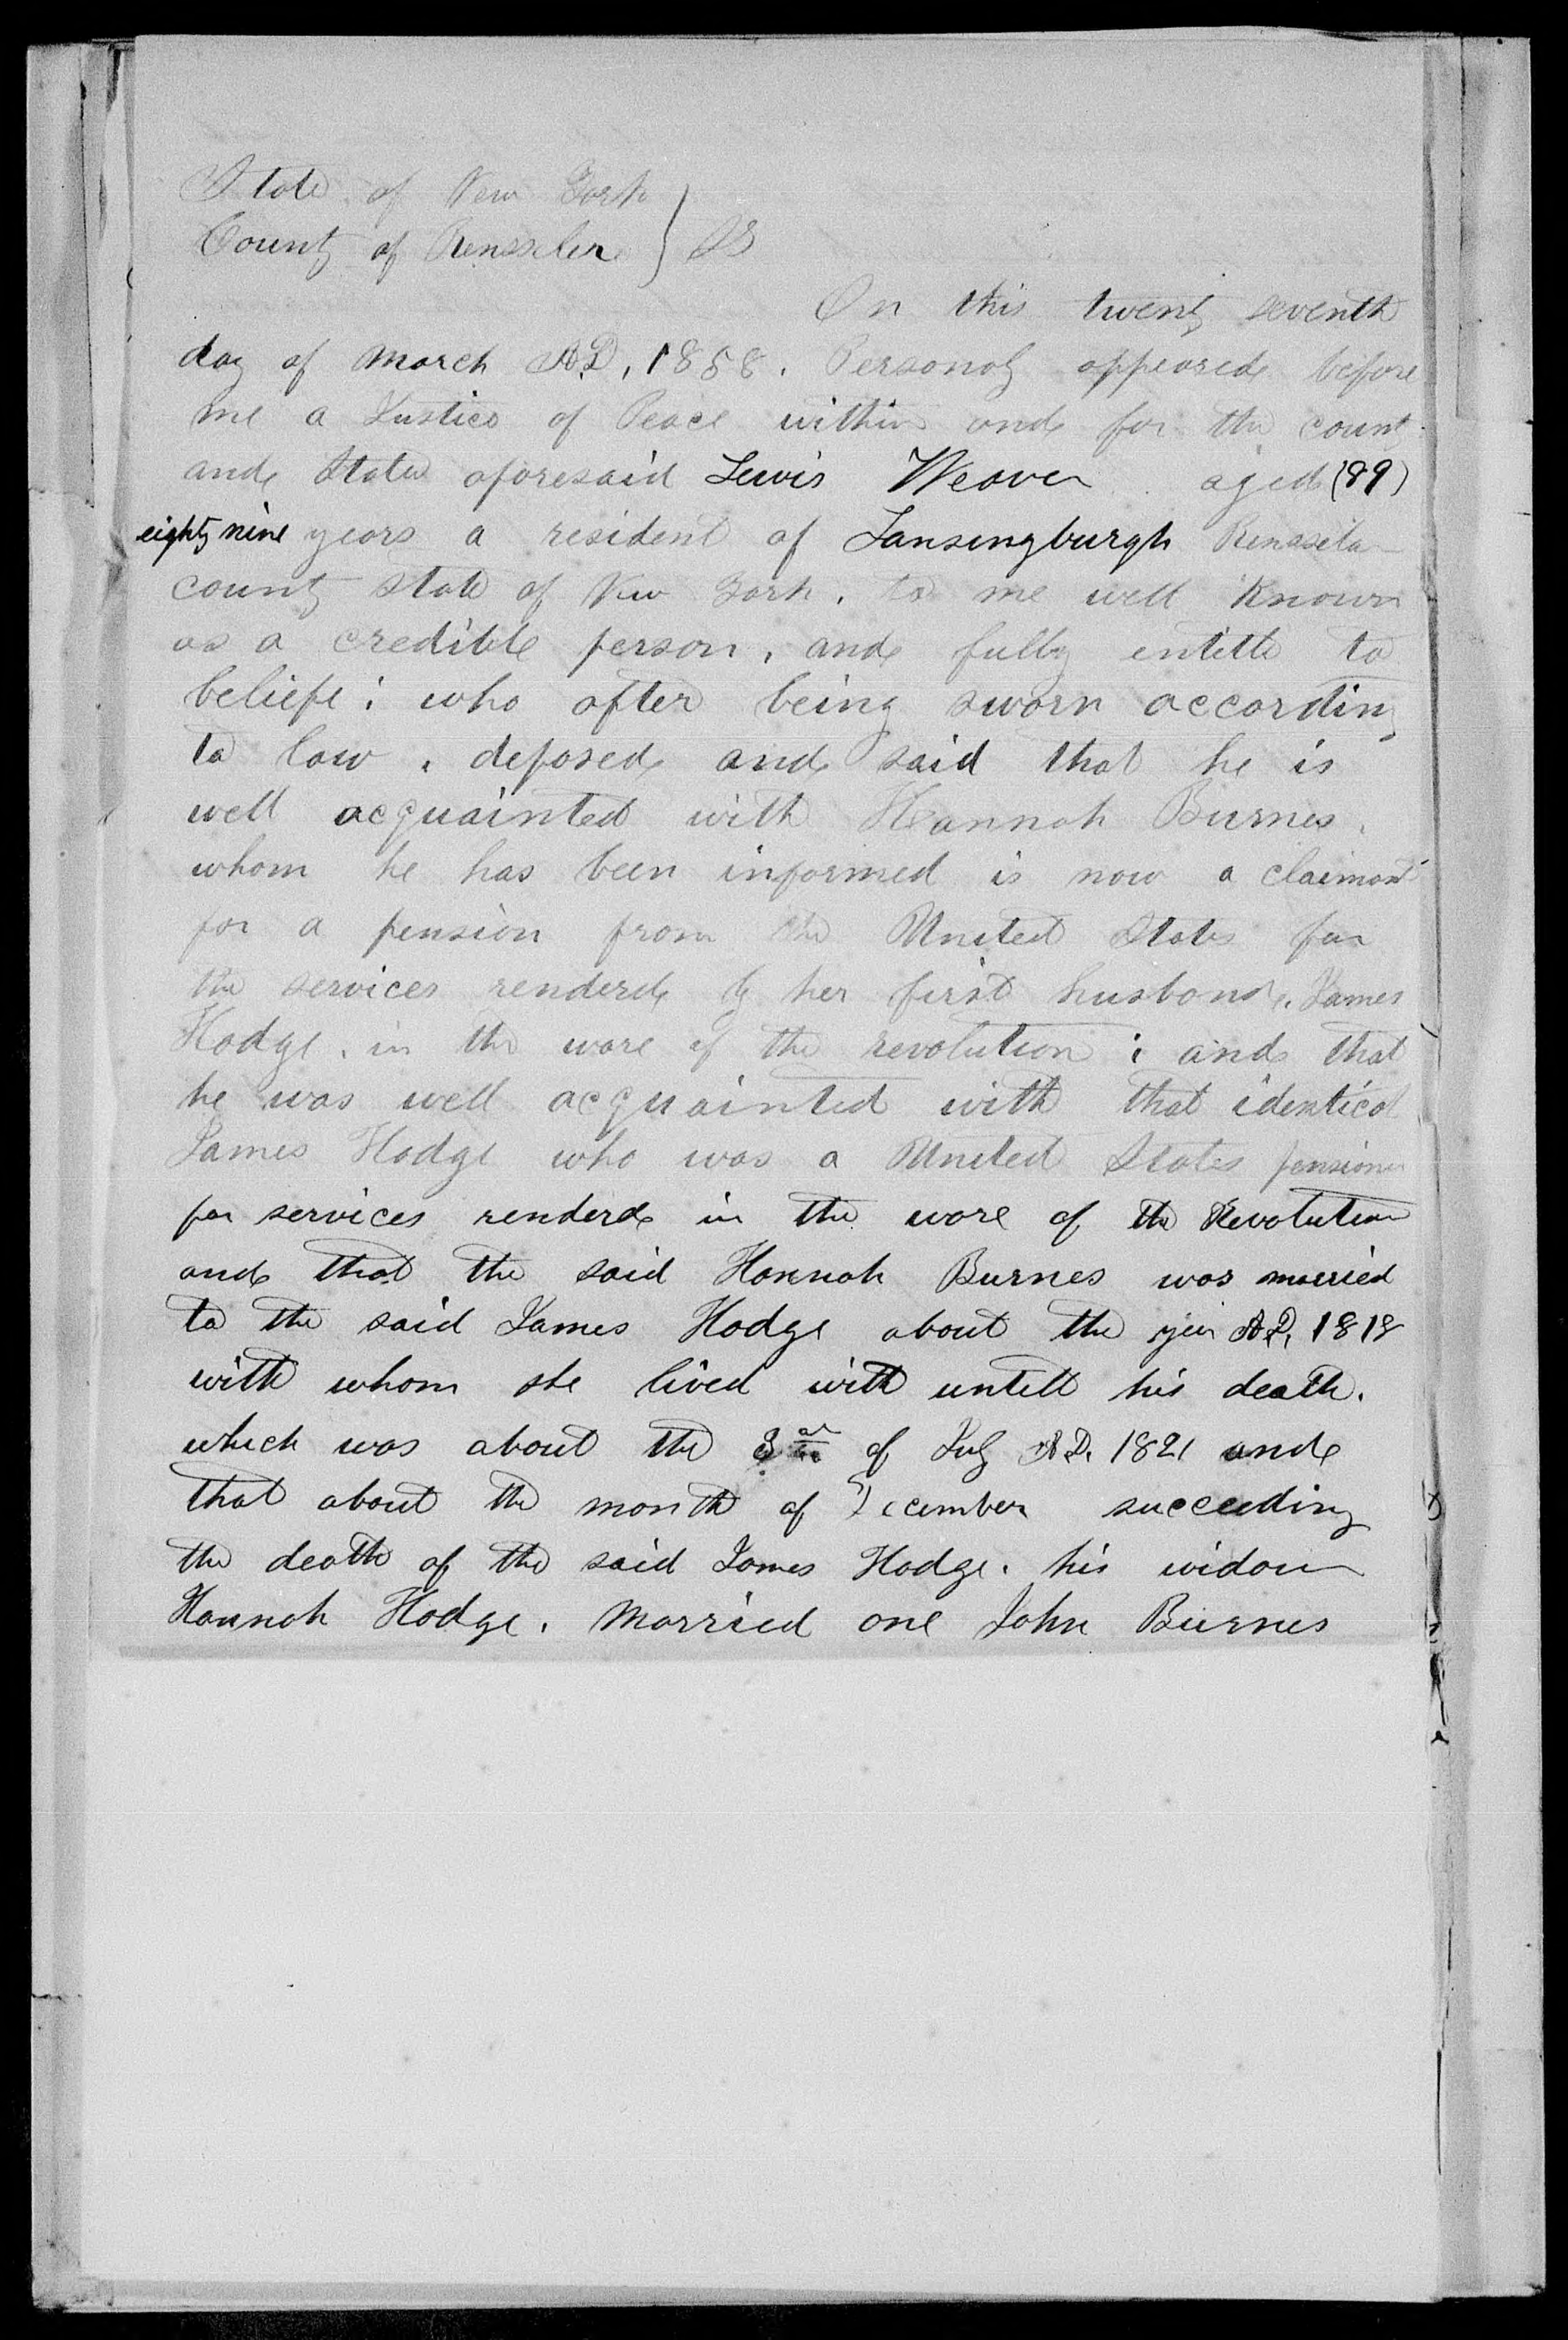State of New York
County of Rensselaer ss
On this twenty seventh day of March A.D. 1858, personally appears before me a Justice of Peace within and for the county and state aforesaid Lewis Weave aged (89) eighty nine years a resident of Lansingburgh Rensselaer county state of New York to me well known as a credible person, and fully entitled(?) toi belief; who after being sworn according to law, deposed and said that is well acquainted with Hannah Burnes, who he has been informed is now a claimant for a pension from the United States for the services rendered by her first husband James Hodge in the war of the revolution; and that he was well acquainted with that identical James Hodge who was a United States pensioner for services rendered in the war of the Revolution and that the said Hannah Burnes was married to the said James Hodge about the year 1818 with who she lived with until his death which was about the (illegible) of July A.D. 1821 and that abouthe month of Decemer succeeding the death of the said James Hodge, his widow Hannah Hodge married one John Barnes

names: Hannah Burnes, James Hodge, Hannah Burnes, Hannah Hodge, James Hodge, James Hodge, Lewis Weave, James Hodge, John Burnes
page: 36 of 48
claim: widow's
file: W. 10476, James Hodge, New York